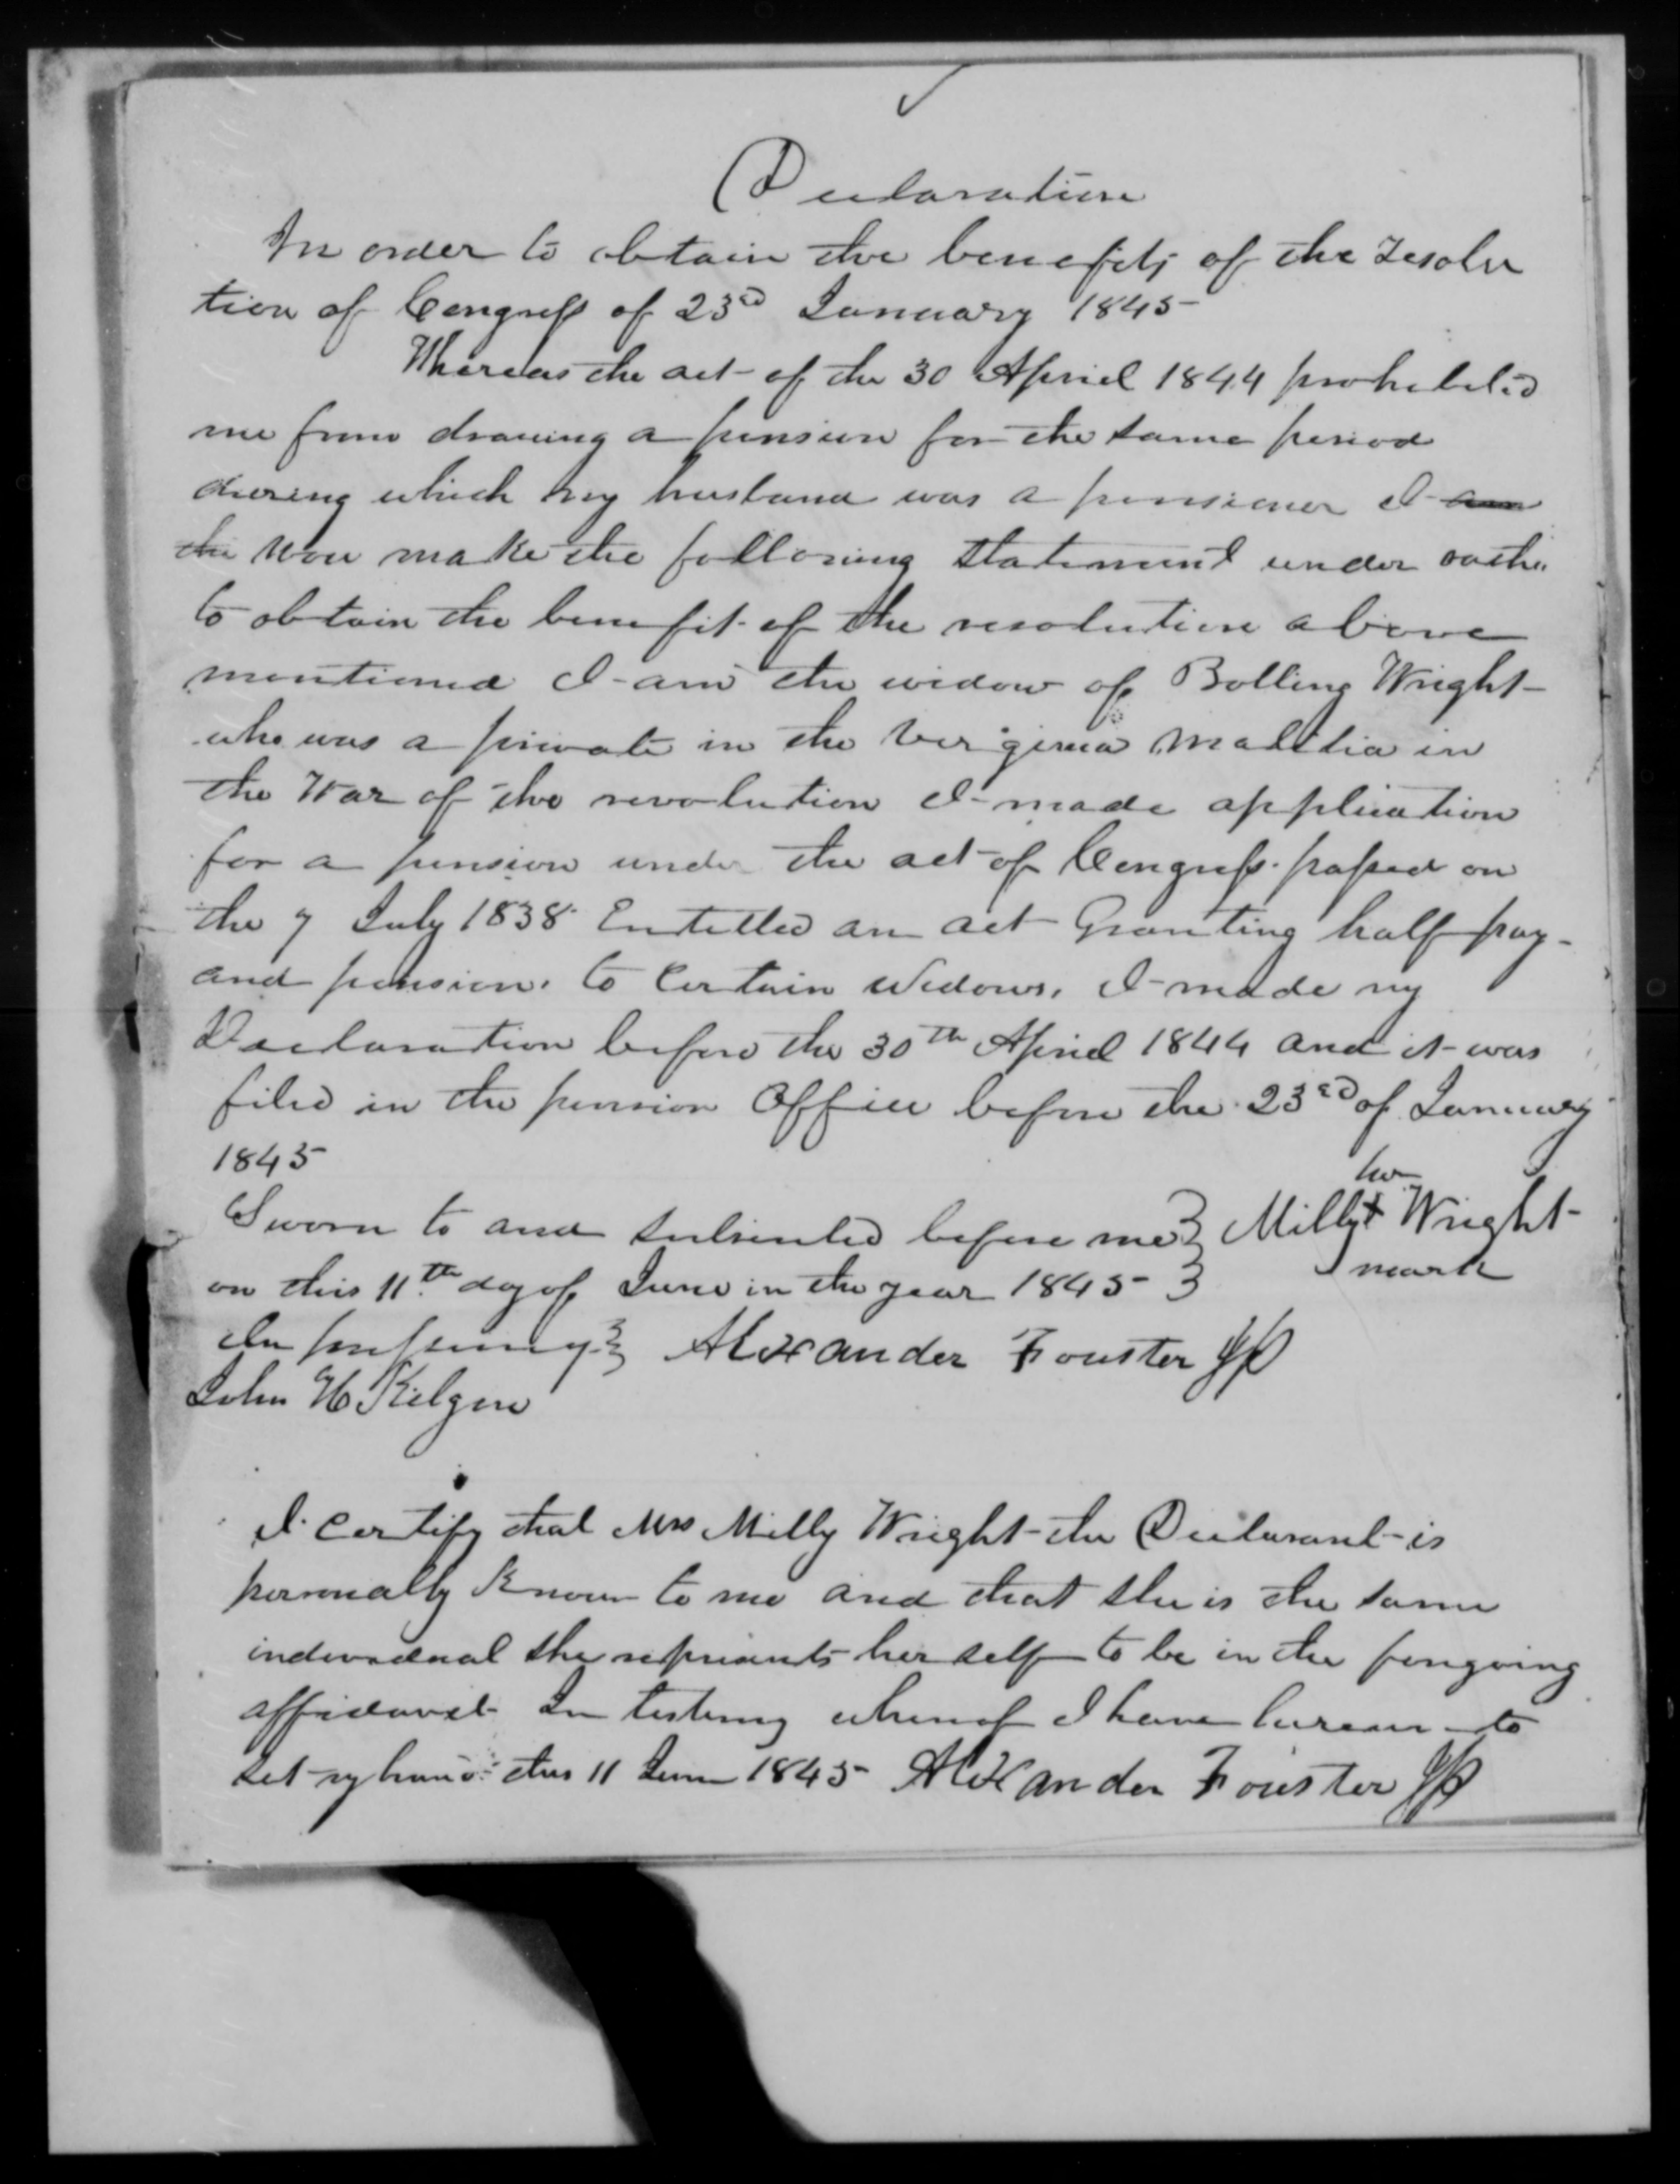Declaration
In order to obtain the benefits of the resolution
of Congress of 23d January 1845
Whereas the act of the 30 April 1844 prohibited
me from drawing a pension for the same period
during which her husband was a pensioner I
the now make the following statement under oath
to obtain the benefit of the resolution above
mentioned I am the widow of Bolling Wright
who was a private in the Virginia Malitia [sic] in
the War of the revolution I made application
for a pension under the act of Congress passed on
the 7 July 1838 Entitled an act granting half pay
and pension to certain widows, I made my
Declaration before the 30th April 1844 and it was
filed in the pension Office before the 23rd of January
1845
Milly X her mark Wright
Sworn to and subscribed before me 
on this 11th day of June in the year 18453
Alexander Forester JP
John W Kilgore
I certify that Mrs Milly Wright the Declarant is
personally known to me and that she is the same
individual she represents herself to be in the foregoing
affidavit In testimy whereof I have hereunto
set my hand this 11 June 1845 Alexander Forester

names: Milly Wright, Alexander Forester, John H Kilgore, Bolling Wright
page: 69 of 81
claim: widow's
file: W. 5183, Bolling Wright, Va.